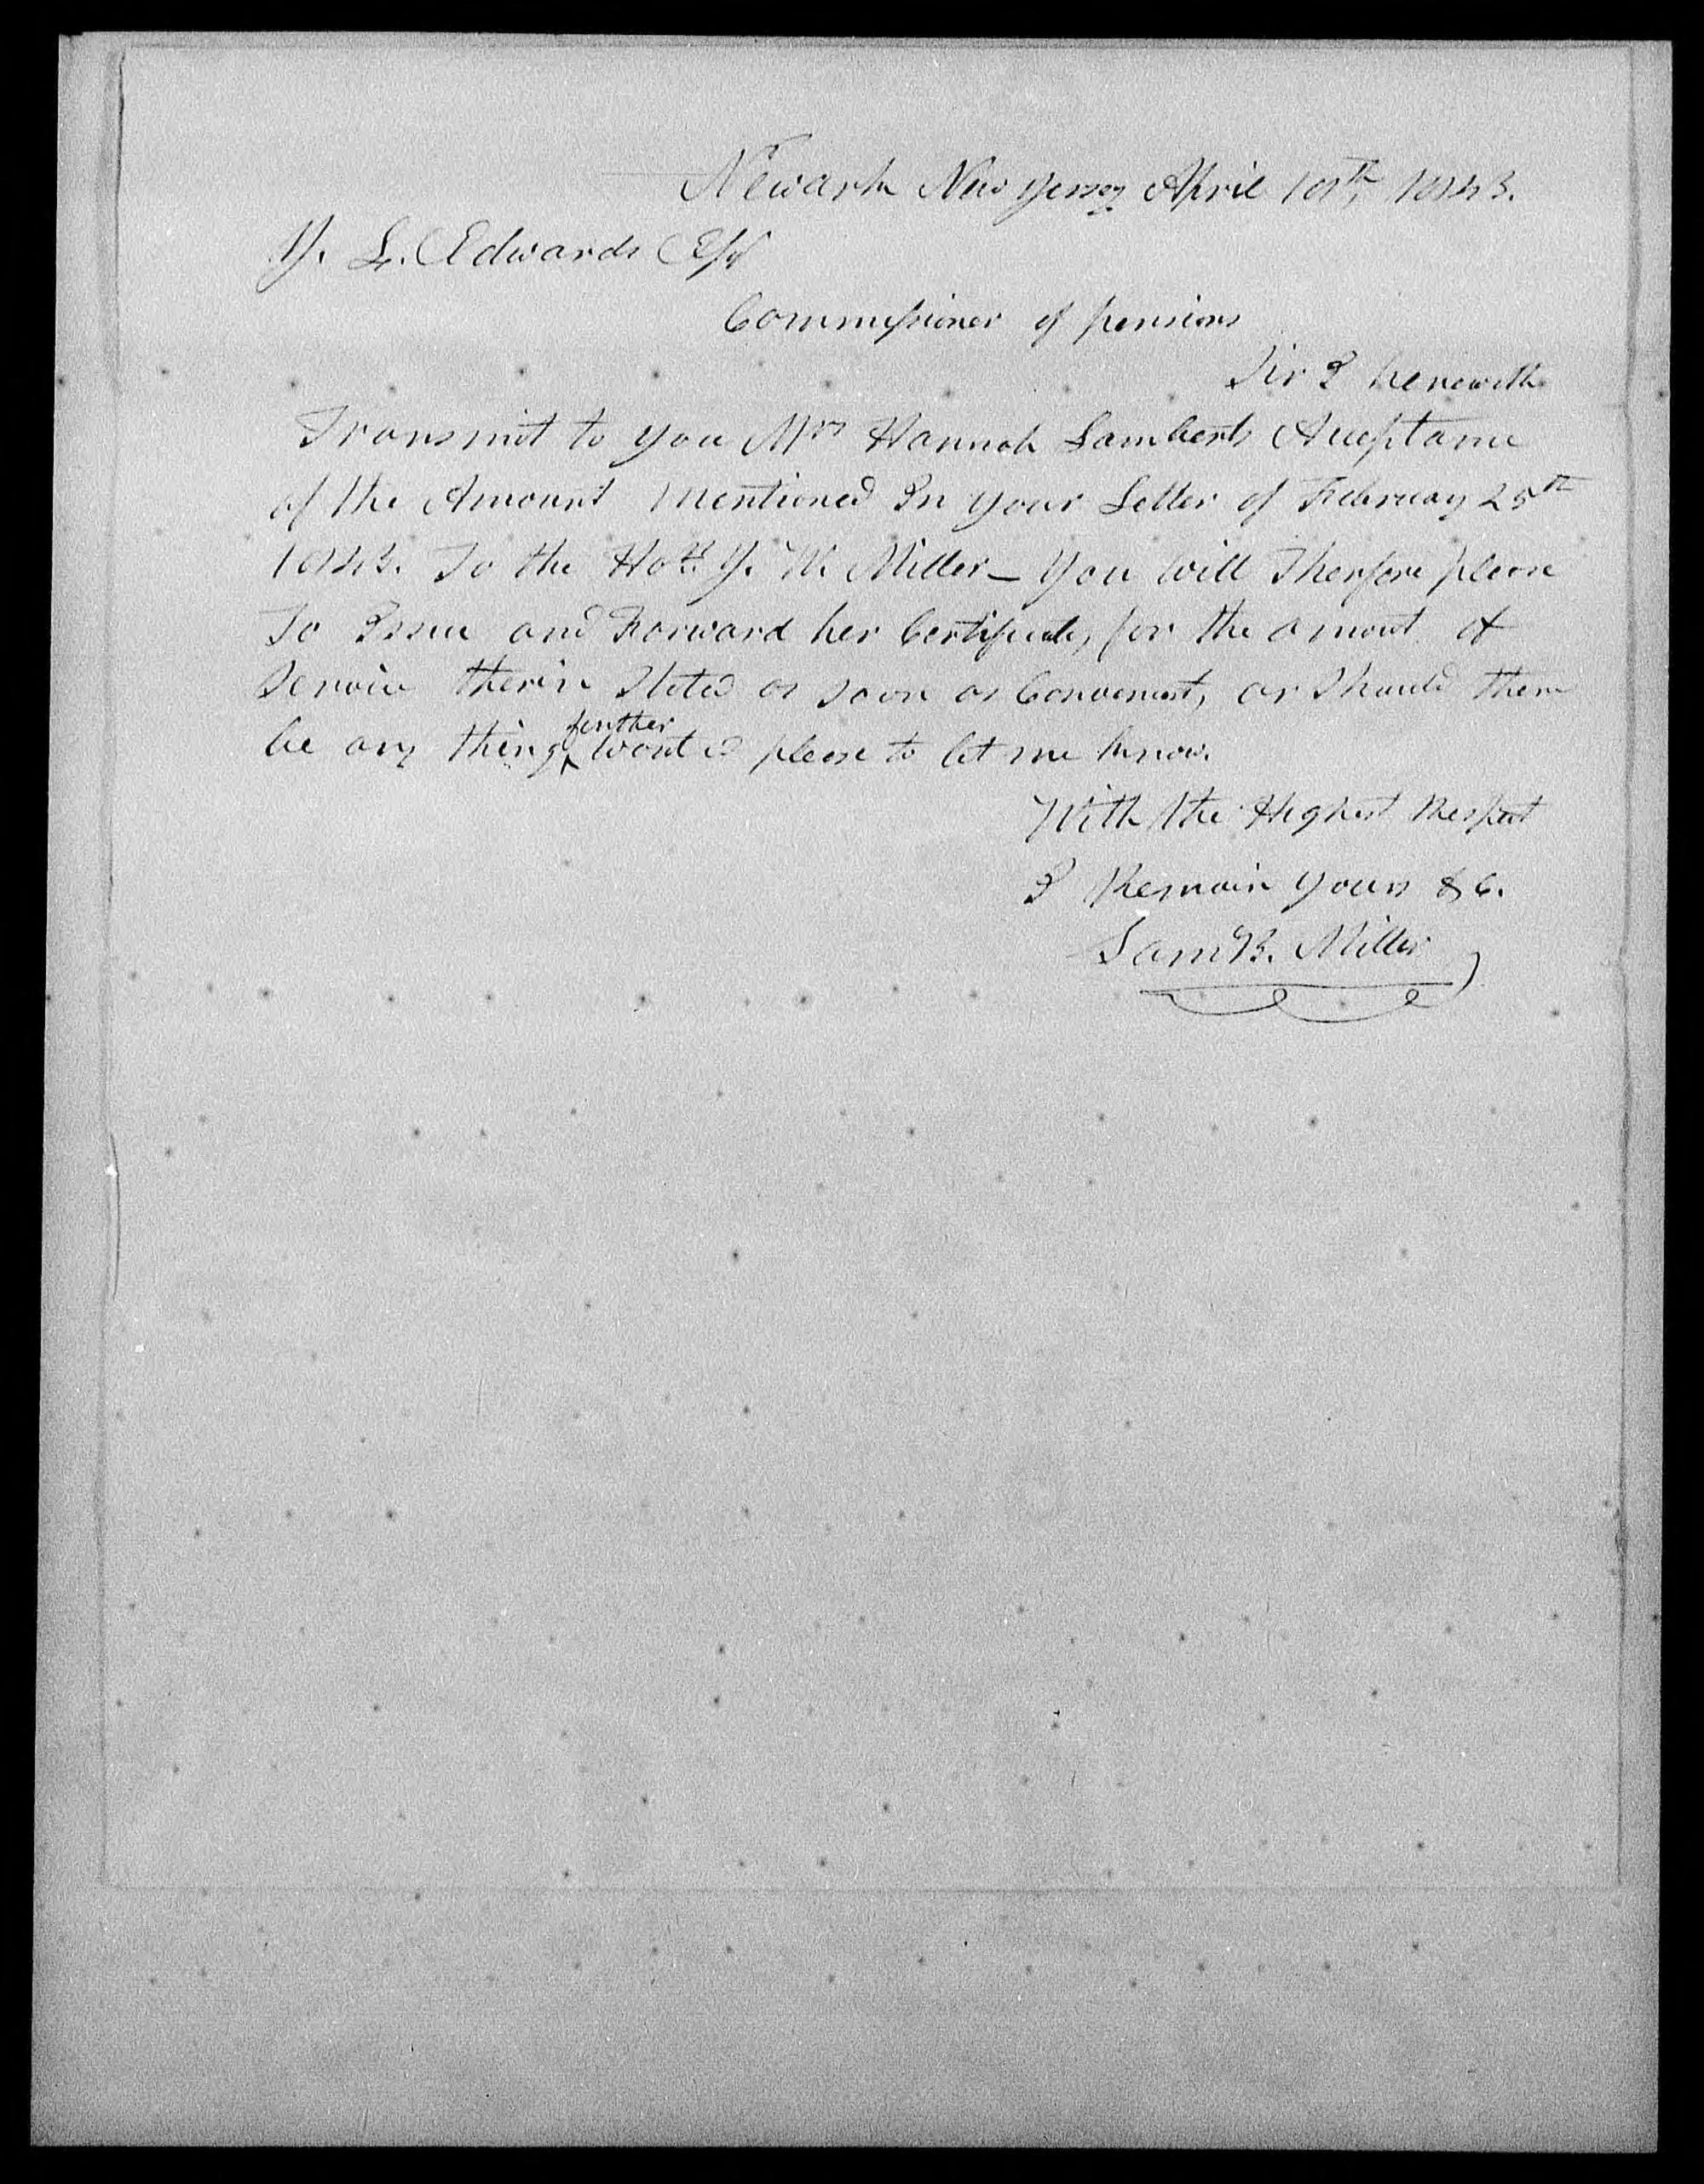Newark New Jersey April 10th 1843.
J. L. Edwards Esq
Commissioner of Pensions
Sir I herewith Transmit to you Mrs Hannah Lamberts Acceptance of the Amount mentioned In your Letter of February 25th
1843. To the Hon J.M. Miller you will therefore please to Issue and forward her certificate for the amount of service therein stated as soon as convenient, or should there be any thing further wanted please to let me know
With the Highest Respect
I Remain yours &c
Sam B. Miller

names: Hannah Lambert; J W Miller; Saml B Miller; J L Edwards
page: 43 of 49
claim: widow's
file: W. 859, for James Lambert, New Jersey